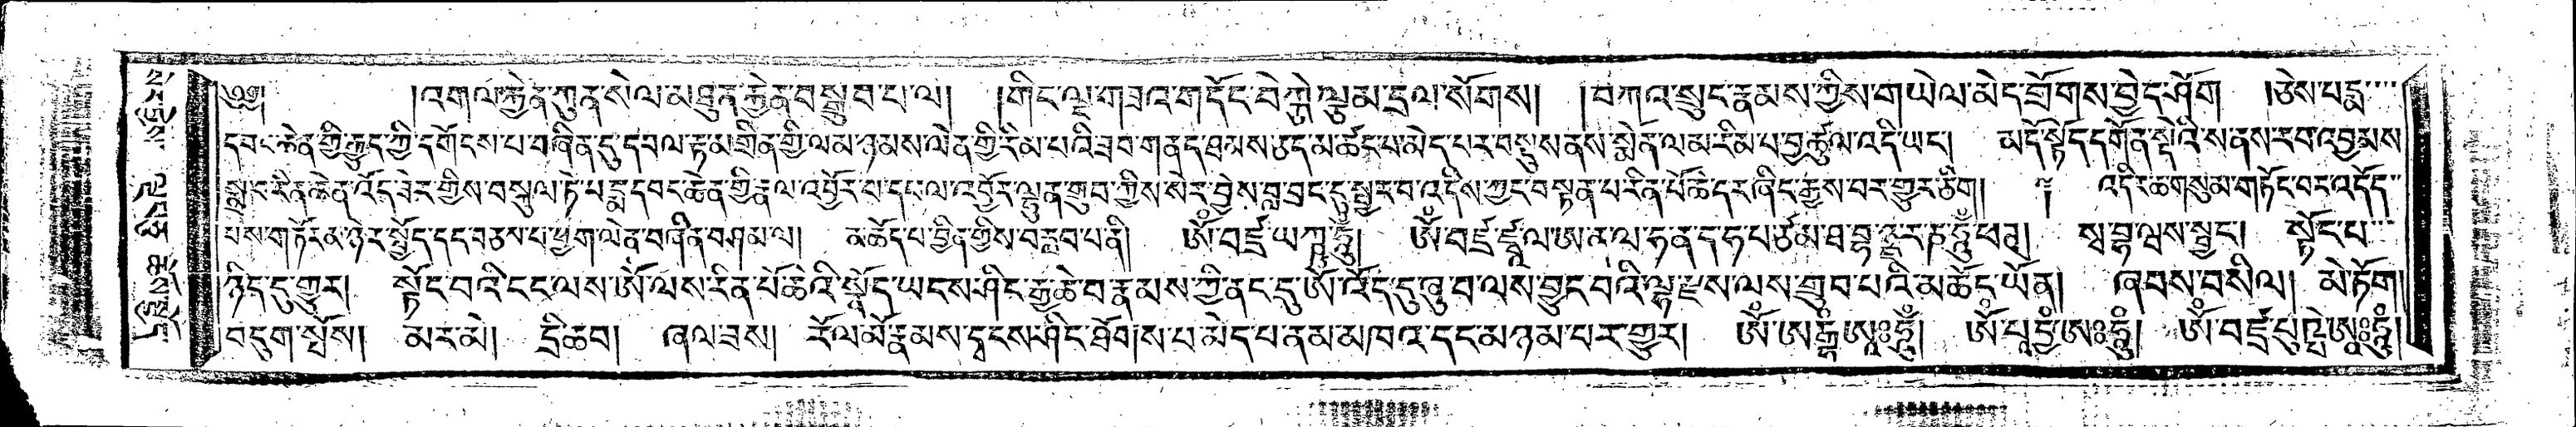༄༅། །འགལ་རྐྱེན་ཀུན་སེལ་མཐུན་རྐྱེན་བསྒྲུབ་པ་ལ། །གིང་ལྔ་གཟའ་གདོང་བེཀྩེ་ལྕམ་དྲལ་སོགས། །བཀའ་སྲུང་རྣམས་ཀྱིས་གཡེལ་མེད་གྲོགས་བྱེད་ཤོག །ཅེས་པདམ་
དབང་ཆེན་གྱི་རྒྱུད་ཀྱི་དགོངས་པ་བཞིན་དུ་དཔལ་རྟ་མགྲིན་གྱི་ལམ་ཉམས་ལེན་གྱི་རིམ་པའི་ཟབ་གནད་ཐམས་ཅད་མ་ཚང་པ་མེད་པར་བསྡུས་ནས་སྨོན་ལམ་རིམ་པ་བྱ་ཚུལ་འདི་ཡང་། མདོ་སྟོད་དགོན་སྡེའི་ས་ནས་རབ་འབྱམས་
སྨྲ་བ་རིན་ཆེན་འོད་ཟེར་གྱིས་བསྐུལ་ཏེ་པདམ་དབང་ཆེན་གྱི་རྣལ་འབྱོར་བ་དཔལ་འབྱོར་ལྷུན་གྲུབ་ཀྱིས་སེར་བྱེས་བླ་བྲང་དུ་སྦྱར་བ་འདིས་ཀྱང་བསྟན་པ་རིན་པོ་ཆེ་དར་ཞིང་རྒྱས་པར་གྱུར་ཅིག། ༈ འདིར་ཆ་གསུམ་གཏོང་བར་འདོད་
པས་གཏོར་མ་ཉེར་སྤྱོད་དང་བཅས་པ་ཕྱག་ལེན་བཞིན་བཤམ་ལ། མཆོད་པ་བྱིན་གྱིས་བརླབ་པ་ནི། ཨོཾ་བྫྲ་ཡཀྵ་ཧཱུཾ། ཨོཾ་བྫྲ་ཛྭཱ་ལ་ཨ་ན་ལ་ཧ་ན་ད་ཧ་པ་ཙ་མ་ཐ་བྷ་ཉྫ་ར་ཎ་ཧཱུཾ་ཕཊ། སྭ་བྷ་ཝས་སྦྱང་། སྟོང་པ་
ཉིད་དུ་གྱུར། སྟོང་པའི་ངང་ལས་ཨོཾ་ལས་རིན་པོ་ཆེའི་སྣོད་ཡངས་ཤིང་རྒྱ་ཆེ་བ་རྣམས་ཀྱི་ནང་དུ་ཨོཾ་འོད་དུ་ཞུ་བ་ལས་བྱུང་བའི་ལྷ་རྫས་ལས་གྲུབ་པའི་མཆོད་ཡོན། ཞབས་བསིལ། མེ་ཏོག།
བདུག་སྤོས། མར་མེ། དྲི་ཆབ། ཞལ་ཟས། རོལ་མོ་རྣམས་དྭངས་ཤིང་ཐོགས་པ་མེད་པ་ནམ་མཁའ་དང་མཉམ་པར་གྱུར། ཨོཾ་ཨརྒྷཾ་ཨཱཿ ཧཱུཾ། ཨོཾ་པཱ་དྱཾ་ཨཿ ཧཱུཾ། ཨོཾ་བྫྲ་པུཥྤེ་ཨཱཿ ཧཱུཾ།